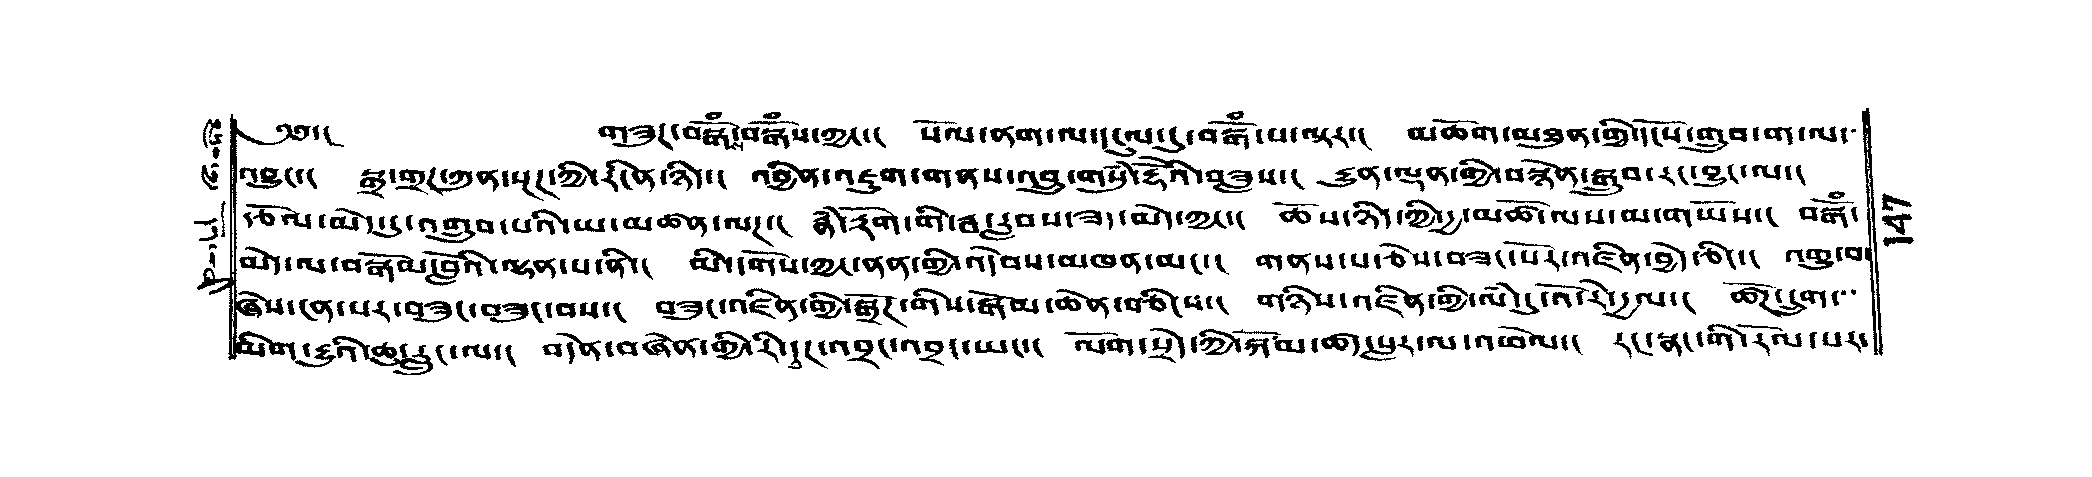གཟུགས་བསྒོམ་བསྒོམ་ཡང་། །སོལ་ནག་ལ་དངུལ་དུ་བསྒོམ་པ་ལྟར། །མཆོག་ཐུན་གྱི་དངོས་གྲུབ་ག་ལ་
འབྱུང་། །སྒྲ་གྲགས་ཀུན་སྔགས་ཀྱི་རང་བཞིན་ཉིད། །འབྱིན་འཇུག་གནས་འབྲུ་གསུམ་རྡོ་རྗེའི་བཟླས། །རྒྱུན་ལྡན་གྱི་བསྙེན་སྒྲུབ་རང་བྱུང་ལ། །
རྩོལ་མེད་དུ་འགྲུབ་པའི་ཡ་མཚན་ལགས། །རྣམ་རྟོག་གི་རྦ་རླབས་ཟད་མེད་ཀྱང་། །ཆོས་ཉིད་ཀྱི་རྒྱ་མཚོ་ལས་མ་གཡོས། །བསྒོམ་
མེད་ལ་བསྒོམ་བློའི་ལྷན་པ་ནི། །མི་དགོས་ཀྱང་ནན་གྱི་འདེབས་མཁན་མང་། །གནས་པ་ཞེས་བཟང་པོར་འཛིན་བྱེད་ཅིང་། །འགྱུ་བ་
ཞེས་ངན་པར་བཟུང་བཟུང་བས། །གཟུང་འཛིན་གྱི་སྒྲོགས་ཀྱིས་སྒོམ་ཆེན་བཅིངས། །གཉིས་འཛིན་གྱི་ལམ་དུ་འོ་རེ་རྒྱལ། །ཚོགས་དྲུག་
མིག་རྒྱུའི་ཆུ་རླུང་ལ། །བདེན་ཞེན་གྱི་རི་དྭགས་འབྲང་འབྲང་ཡང་། །ལོག་སྲེད་ཀྱི་སྐོམ་ཚད་སླར་ལ་འཕེལ། །རང་སྣང་གི་རོལ་པར་